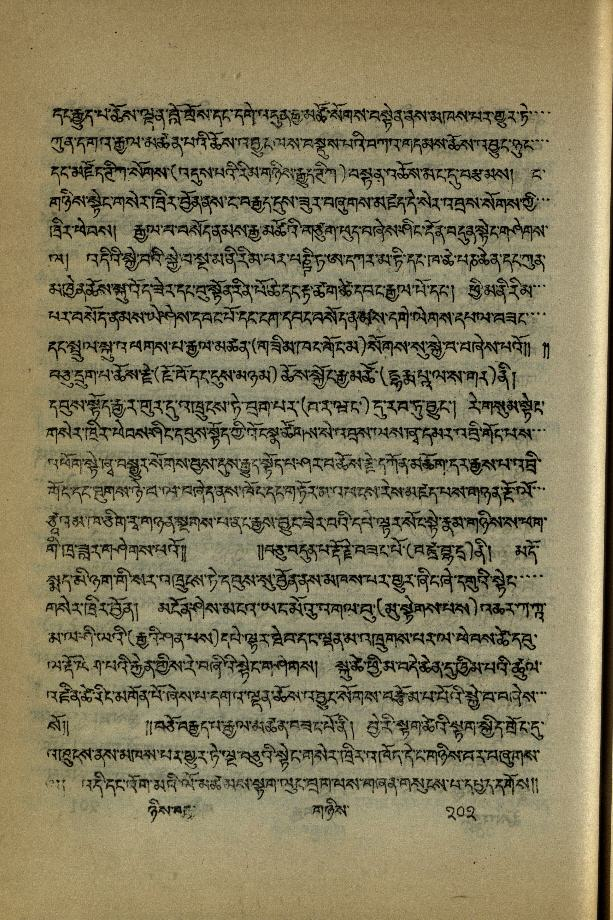དང་རྒྱུད་པ་ཆོས་ལྡན་བློ་གྲོས་དང་དགེ་འདུན་རྒྱ་མཚོ་སོགས་བསྟེན་ནས་མཁས་པར་གྱུར་ཏེ་
ཀུན་དགའ་རྒྱལ་མཚན་པའི་ཆོས་འབྱུང་ལས་བསྡུས་པའི་བཀའ་གདམས་ཆོས་འབྱུང་ཉུང་
དང་མཛོད་ཊིཀ་སོགས་་འདུས་པའི་རིམ་གཉིས་རྒྱུད་ཊིཀ་བསྟན་འཆོས་མང་དུ་བརྩམས། ང་
གཉིས་སྟེང་གསེར་ཁྲིར་བྱོན་ནས་ང་བརྒྱད་དུས་ཟུར་བཞུགས་མཛད་དེ་སེར་འབྲས་སོགས་ཀྱི་
ཁྲིར་ཕེབས། རྒྱལ་བ་བསོད་ནམས་རྒྱ་མཚོའི་གཙུག་ཕུད་བཞེས་ཤིང་དོན་བདུན་སྟེང་གཤེགས་
ལ། འདིའི་སྐྱེ་བའི་སྐྱེ་བ་སྔ་མ་ནི་རིམ་པར་པཎྜི་ཏ་ཨ་དཀར་མ་ཏི་དང་ཁ་ཆེ་པཎ་ཆེན་དང་ཀུན་
མཁྱེན་ཆོས་སྐུ་འོད་ཟེར་དང་བུ་སྟོན་རིན་པོ་ཆེ་དང་རྟ་ཚག་ཚེ་དབང་རྒྱལ་པོ་དང་། ཕྱི་མ་ནི་རིམ་
པར་བསོད་ནམས་ཡེ་ཤེས་དབང་པོ་དང་ངག་དབང་བསོད་ནམས་དགེ་ལེགས་དཔལ་བཟང་
དང་སྤྲུལ་སྐུ་འཕགས་པ་རྒྱལ་མཚན་གཟིམ་ཁང་གོང་མ་སོགས་སུ་སྐྱེ་བ་བཞེས་པའོ།། །།
བཅུ་དྲུག་པ་ཆོས་རྗེ་ཇོ་བོ་དང་དུས་མཉམ་ཆོས་སྐྱོང་རྒྱ་མཚོ་དྷརྨ་པཱ་ལ་ས་གར་ནི།
དབུས་སྟོད་རྒྱ་ར་གུར་དུ་འཁྲུངས་ཏེ་བྲག་པར་བར་ཝང་དུ་རབ་ཏུ་བྱུང་། རེ་གསུམ་སྟེང་
གསེར་ཁྲིར་ཕེབས་ཤིང་དབུས་སྟོད་ཀྱི་བོང་སྣ་ཚོགས་སེ་འབྲས་ལས་ཞྭ་དམར་འབྲི་གོང་པས་
འཕོག་སྟེ་ཞྭ་བསྒྱུར་སོགས་བྱས་དུས་རྒྱུད་སྟོད་པ་ཤར་བ་ཆོས་རྗེ་དཀོན་མཆོག་དར་རྒྱས་པ་འབྲི་
གོང་དང་ཐུགས་ཉེ་བ་ལ་བཞེད་ནས་ཁོང་དང་གཏོར་མ་འཕངས་རེས་མཛད་པས་གཉན་རྔོ་ལོ་
ཙཱའམ་ཁ་ཅིག་རྭ་གཉན་སྔགས་པ་ནང་རྒྱས་བྱུང་ཟེར་བའི་དཔེ་ལྟར་སོང་སྟེ་རྣམ་གཉིས་ས་ཕག་
གི་ཁྲ་ཟླར་གཤེགས་པའོ།། །།བཅུ་བདུན་པ་རྡོ་རྗེ་བཟང་པོ་་བཛྲ་བྷ་དྲ་ནི། མདོ་
སྨད་མི་ཉག་གི་སར་འཁྲུངས་ཏེ་དབུས་སུ་བྱོན་ནས་མཁས་པར་གྱུར་ཞིང་ཞེ་དགུའི་སྟེང་
གསེར་ཁྲིར་བྱོན། མངོན་ཤེས་མངའ་ཡང་མོའུ་འགལ་བུ་མུ་སྟེགས་པས་འཆར་ཀ་ཀཱ་
མ་ལ་ཤི་ལའི་རྒྱའི་ཤན་པས་དཔེ་ལྟར་ཐེབ་དང་ལྡན་མ་འཁྲུགས་པར་ལ་ཕེབས་ཚེ་དབུ་
ལ་རྡོ་ཕེག་པའི་རྐྱེན་གྱིས་རེ་བཞིའི་སྟེང་གཤེགས། སྐུ་ཚེ་ཕྱི་མ་བདེ་ཆེན་དུ་ཁྱིམ་པའི་ཚུལ་
འཛིན་ཚེ་རིང་མགོན་པོ་ཞེས་པ་དགའ་ལྡན་ཆོས་འབྱུང་སོགས་བརྩོམ་པ་པོའི་སྐྱེ་བ་བཞེས་
སོ།། །།བཅོ་བརྒྱད་པ་རྒྱལ་མཚན་བཟང་པོ་ནི། བྱེ་རི་སྟག་ཚེའི་སྟག་སྐྱིད་གྲོང་དུ་
འཁྲུངས་ནས་མཁས་པར་གྱུར་ཏེ་ལྔ་བཅུའི་སྟེང་གསེར་ཁྲིར་འཁོད་དེ་ང་གཉིས་བར་བཞུགས་
ལ། འདི་དང་འོག་མའི་ལོ་མཚམས་སྟག་ལུང་བྲག་པས་གཞན་གསུངས་པ་དཔྱད་དགོས།།